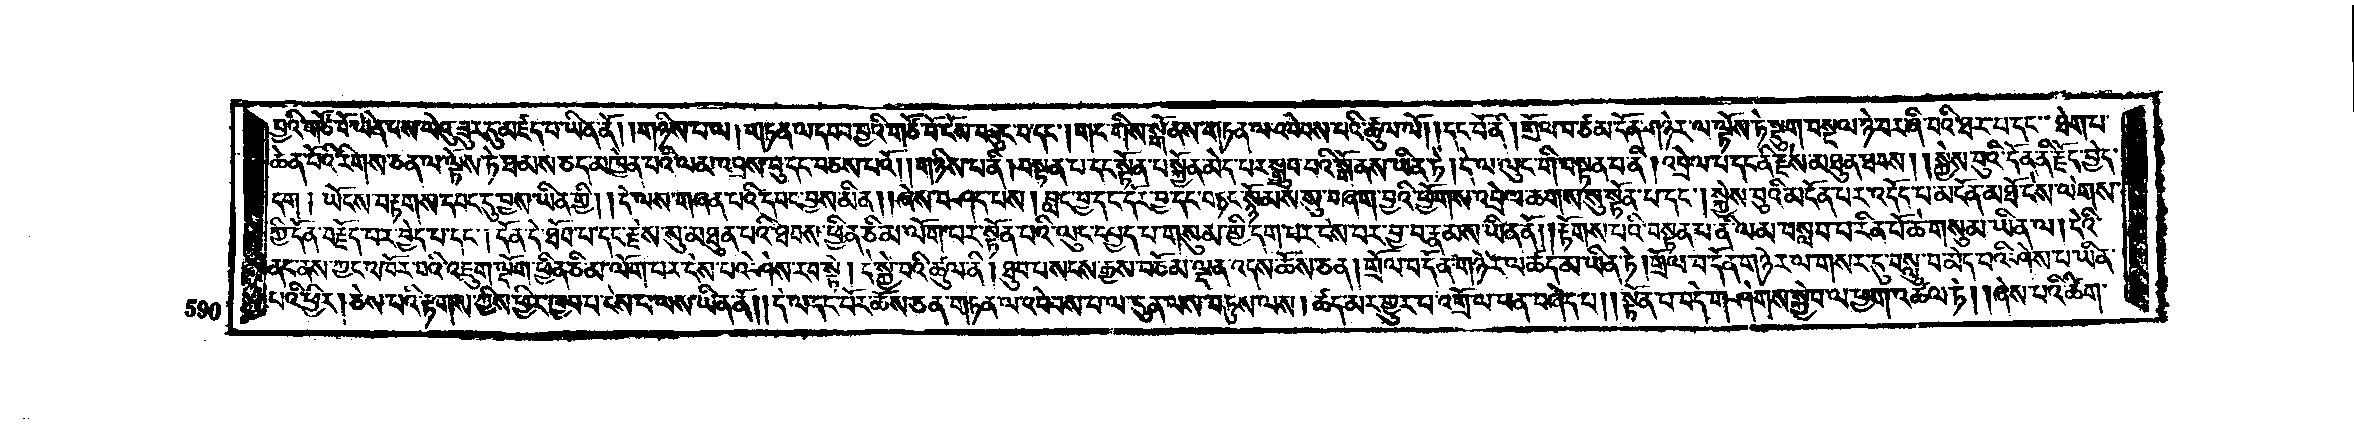བྱའི་གཙོ་བོ་ཡིན་པས་ལེའུ་ཟུར་དུ་མཛད་པ་ཡིན་ནོ། །གཉིས་པ་ལ། གཏན་ལ་དབབ་བྱའི་གཙོ་བོ་ངོས་བཟུང་བ་དང་། གང་གིས་སྒོ་ནས་གཏན་ལ་འབེབས་པའི་ཚུལ་ལོ། །དང་པོ་ནི། གྲོལ་བ་ཙམ་དོན་གཉེར་ལ་ལྟོས་ཏེ། སྡུག་བསྔལ་ཉེ་བར་ཞི་བའི་ཐར་པ་དང་ཐེག་པ་
ཆེན་པོའི་རིགས་ཅན་ལ་ལྟོས་ཏེ་ཐམས་ཅད་མཁྱེན་པའི་ལམ་འབྲས་བུ་དང་བཅད་པའོ། །གཉིས་པ་ནི། བསྟན་པ་དང་སྟོན་པ་སྐྱོན་མེད་པར་སྒྲུབ་པའི་སྒོ་ནས་ཡིན་ཏེ། དེ་ལ་ལུང་གི་བསྟན་པ་ནི། འབྲེལ་པ་དང་ནི་རྗེས་མཐུན་ཐབས། །སྐྱེས་བུའི་དོན་ནི་རྗོད་བྱེད་
དག ༑ཡོངས་བརྟགས་དབང་དུ་བྱས་ཡིན་གྱི། །དེ་ལས་གཞན་པའི་དབང་བྱས་མིན། །ཞེས་བཤད་པས། བླང་བྱ་དང་དོར་བྱ་དང་བཏང་སྙོམས་སུ་བཞག་བྱའི་ཕྱོགས་འབྲེལ་ཆགས་སུ་སྟོན་པ་དང་། སྐྱེས་བུའི་མངོན་པར་འདོད་པ་མངོན་མཐོ་ངེས་ལེགས་
ཀྱི་དོན་བརྗོད་པར་བྱེད་པ་དང་། དོན་དེ་ཐོབ་པ་དང་རྗེས་སུ་མཐུན་པའི་ཐབས་ཕྱིན་ཅི་མ་ལོག་པར་སྟོན་པའི་ལུང་དཔྱད་པ་གསུམ་གྱི་དག་པར་ངེས་པར་བྱ་བ་རྣམས་ཡིན་ནོ། །རྟོགས་པའི་བསྟན་པ་ནི་ལམ་བསླབ་པ་རིན་པོ་ཆེ་གསུམ་ཡིན་ལ། དེའི་
ནང་ནས་ཀྱང་འཁོར་བའི་འཇུག་ལྡོག་ཕྱིན་ཅི་མ་ལོག་པར་ངེས་པའི་ཤེས་རབ་སྟེ། དེ་སྐྱེ་བའི་ཚུལ་ནི། ཐུབ་པ་སངས་རྒྱས་བཅོམ་ལྡན་འདས་ཆོས་ཅན། གྲོལ་བ་དོན་གཉེར་ལ་ཚད་མ་ཡིན་ཏེ། གྲོལ་བ་དོན་གཉེར་ལ་གསར་དུ་བསླུ་བ་མེད་པའི་ཤེས་པ་ཡིན་
པའི་ཕྱིར། ཅེས་པའི་རྟགས་ཀྱིས་ཕྱིར་ཁྱབ་པ་ངེས་པ་ལས་ཡིན་ནོ། །དེ་ལ་དང་པོར་ཆོས་ཅན་གཏན་ལ་འབེབས་པ་ལ་དུན?་ལས་བཏུས་ལས། ཚད་མར་གྱུར་པ་འགྲོ་བ་ཕན་བཞེད་པ། །སྟོན་པ་བདེ་གཤེགས་སྐྱོབ་ལ་ཕྱག་འཚལ་ཏེ། །ཞེས་པའི་ཚིག་